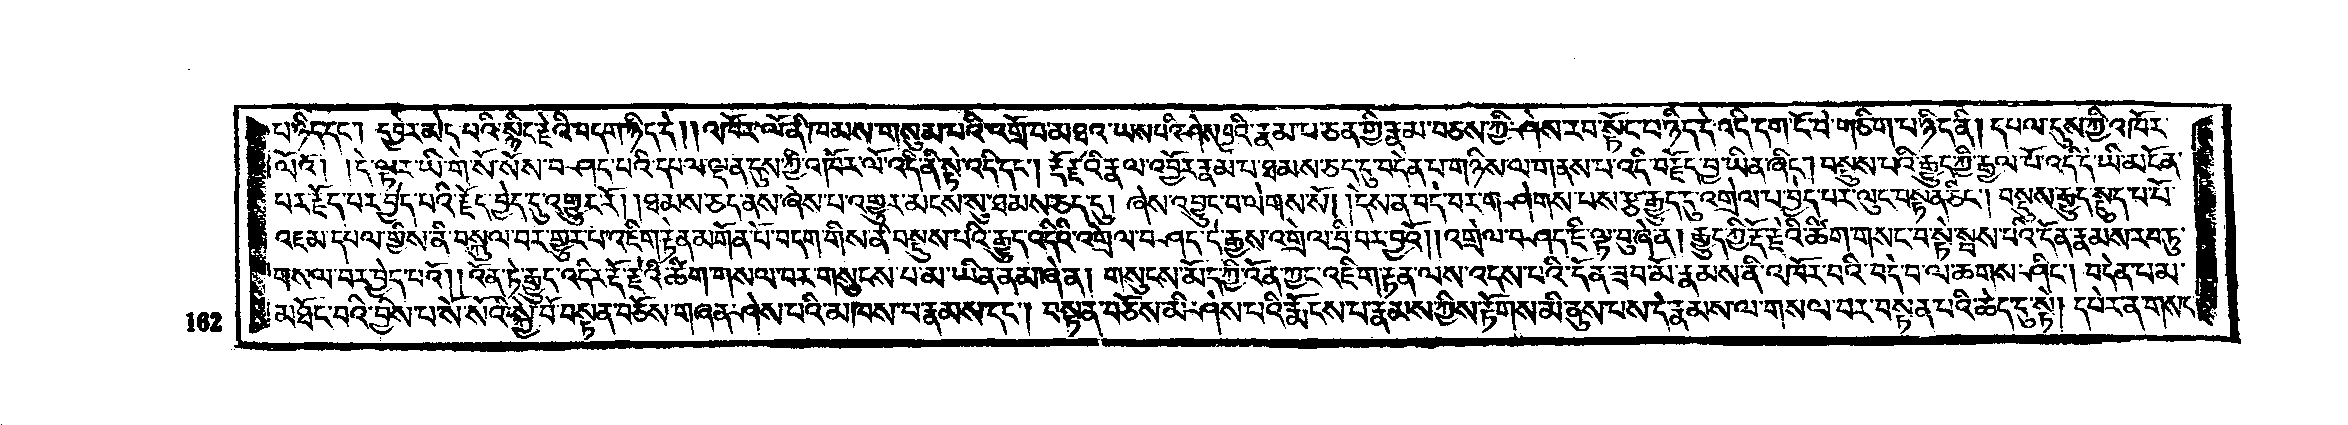པ་ཉིད་དང་། དབྱེར་མེད་པའི་སྙིང་རྗེའི་བདག་ཉིད་དེ། །འཁོར་ལོ་ནི་ཁམས་གསུམ་པའི་འགྲོ་བ་མཐའ་ཡས་པའི་ཤེས་བྱའི་རྣམ་པ་ཅན་གྱི་རྣམ་བཅས་ཀྱི་ཤེས་རབ་སྟོང་པ་ཉིད་དེ་འདི་དག་ངོ་བོ་གཅིག་པ་ཉིད་ནི། དཔལ་དུས་ཀྱི་འཁོར་
ལོའོ། །དེ་ལྟར་ཡི་གེ་སོ་སོས་བཤད་པའི་དཔལ་ལྡན་དུས་ཀྱི་འཁོར་ལོ་འདི་ནི་སྟེ་འདི་དང་། རྡོ་རྗེའི་རྣལ་འབྱོར་རྣམ་པ་ཐམས་ཅད་དུ་བདེན་པ་གཉིས་ལ་གནས་པ་འདི་བརྗོད་བྱ་ཡིན་ཞིང་། བསྡུས་པའི་རྒྱུད་ཀྱི་རྒྱལ་པོ་འདི་དེ་ཡི་མངོན་
པར་བརྗོད་པར་བྱེད་པའི་རྗོད་བྱེད་དུ་འགྱུར་རོ། །ཐམས་ཅད་ནས་ཞེས་པ་འགྱུར་མངས་སུ་ཐམས་ཅད་དུ། ཞེས་འབྱུང་བ་ལེགས་སོ། །དེས་ན་བདེ་བར་གཤེགས་པས་རྩ་རྒྱུད་དུ་འགྲེལ་པ་བྱེད་པར་ལུང་བསྟན་ཅིང་། བསྡུས་རྒྱུད་སྡུད་པ་པོ་
འཇམ་དཔལ་གྱིས་ནི་བསྐུལ་བར་གྱུར་པ་འཇིག་རྟེན་མགོན་པོ་བདག་གིས་ནི་བསྡུས་པའི་རྒྱུད་འདིའི་འགྲེལ་བཤད་དེ་རྒྱས་འགྲེལ་བྲི་བར་བྱའོ། །འགྲེལ་བཤད་ཇི་ལྟ་བུ་ཞེ་ན། རྒྱུད་ཀྱི་རྡོ་རྗེའི་ཚིག་གསང་བ་སྟེ་སྦས་པའི་དོན་རྣམས་རབ་ཏུ་
གསལ་བར་བྱེད་པའོ། །འོན་ཏེ་རྒྱུད་འདིར་རྡོ་རྗེའི་ཚིག་གསལ་བར་གསུངས་པ་མ་ཡིན་ནམ་ཞེ་ན། གསུངས་མོད་ཀྱི་འོན་ཀྱང་འཇིག་རྟེན་ལས་འདས་པའི་དོན་ཟབ་མོ་རྣམས་ནི་འཁོར་བའི་བདེ་བ་ལ་ཆགས་ཤིང་། བདེན་པ་མ་
མཐོང་བའི་བྱིས་པ་སོ་སོའི་སྐྱེ་བོ་བསྟན་བཅོས་གཞན་ཤེས་པའི་མཁས་པ་རྣམས་དང་། བསྟན་བཅོས་མི་ཤེས་པའི་རྨོངས་པ་རྣམས་ཀྱིས་རྟོགས་མི་ནུས་པས་དེ་རྣམས་ལ་གསལ་བར་བསྟན་པའི་ཆེད་དུ་སྟེ། དཔེར་ན་གསང་